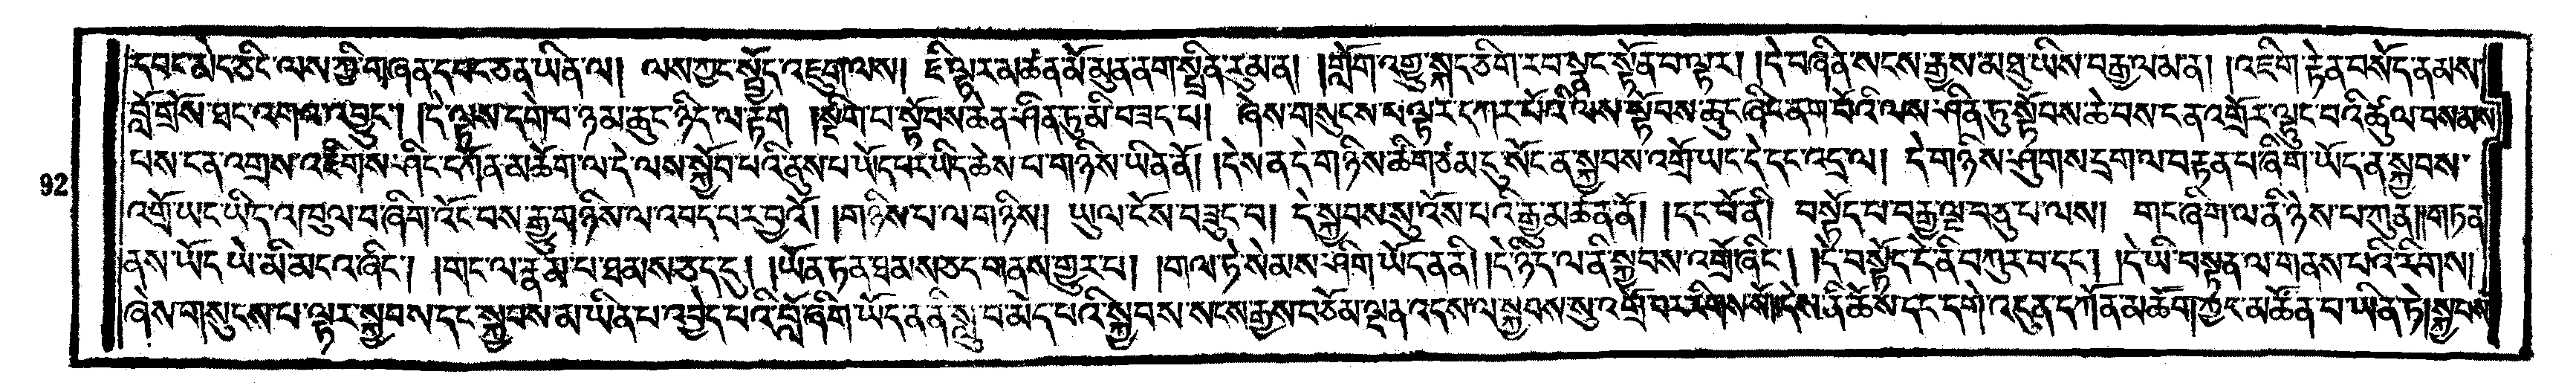དབང་མེད་ཅིང་ལས་ཀྱི་གཞན་དབང་ཅན་ཡིན་ལ། ལས་ཀྱང་སྤྱོད་འཇུག་ལས། ཇི་ལྟར་མཚན་མོ་མུན་ནག་སྤྲིན་རུམ་ན། །གློག་འགྱུ་སྐད་ཅིག་རབ་སྣང་སྟོན་པ་ལྟར། །དེ་བཞིན་སངས་རྒྱས་མཐུ་ཡིས་བརྒྱ་ལམ་ན། །འཇིག་རྟེན་བསོད་ནམས་
བློ་གྲོས་ཐང་འགའ་འབྱུང་། །དེ་ལྟས་དགེ་བ་ཉམ་ཆུང་ཉིད་ལ་རྟག །སྡིག་པ་སྟོབས་ཆེན་ཤིན་ཏུ་མི་བཟད་པ། ཞེས་གསུངས་པ་ལྟར་དཀར་པོའི་ལས་སྟོབས་ཆུང་ཞིང་ནག་པོའི་ལས་ཤིན་ཏུ་སྟོབས་ཆེ་བས་ངན་འགྲོར་ལྟུང་བའི་ཚུལ་བསམས་
པས་ངན་འགྲས་འཇིགས་ཤིང་དཀོན་མཆོག་ལ་དེ་ལས་སྐྱོབ་པའི་ནུས་པ་ཡོད་ཆེས་པ་གཉིས་ཡིན་ནོ། །དེས་ན་དེ་གཉིས་ཚིག་ཙམ་དུ་སོང་ན་སྐྱབས་འགྲོ་ཡང་དེ་དང་འདྲ་ལ། དེ་གཉིས་ཤུགས་དྲག་ལ་བརྟན་པ་ཞིག་ཡོད་ན་སྐྱབས་
འགྲོ་ཡང་ཡིད་འཁུལ་བ་ཞིག་འོང་བས་རྒྱུ་གཉིས་ལ་འབད་པར་བྱའོ། །གཉིས་པ་ལ་གཉིས། ཡུལ་ངོས་བཟུང་བ། དེ་སྐྱབས་སུ་འོས་པའི་རྒྱུ་མཚན་ནོ། །དང་པོ་ནི། བསྟོད་པ་བརྒྱ་ལྔ་བཅུ་པ་ལས། གང་ཞིག་ལ་ནི་ཉེས་པ་ཀུན།།གཏན་
ནས་ཡོད་ཡེ་མི་མངའ་ཞིང་། །གང་ལ་རྣམ་པ་ཐམས་ཅད་དུ། །ཡོན་ཏན་ཐམས་ཅད་གནས་གྱུར་པ། །གལ་ཏེ་སེམས་ཤིག་ཡོད་ན་ནི། །དེ་ཉིད་ལ་ནི་སྐྱབས་འགྲོ་ཞིང་། །དེ་བསྟོད་དེ་ནི་བཀུར་བ་དང་། །དེ་ཡི་བསྟན་ལ་གནས་པའི་རིགས།
ཞེས་གསུངས་པ་ལྟར་སྐྱབས་དང་སྐྱབས་མ་ཡིན་པ་འབྱེད་པའི་བློ་ཞིག་ཡོད་ན་ནི་སླུ་པ་མེད་པའི་སྐྱབས་སངས་རྒྱས་བཅོམ་ལྡན་འདས་ལ་སྐྱབས་སུ་འགྲོ་བར་རིགས་སོ། །དེས་ནི་ཆོས་དང་དགེ་འདུན་དཀོན་མཆོག་ཀྱང་མཚོན་པ་ཡིན་ཏེ། སྐྱབས་